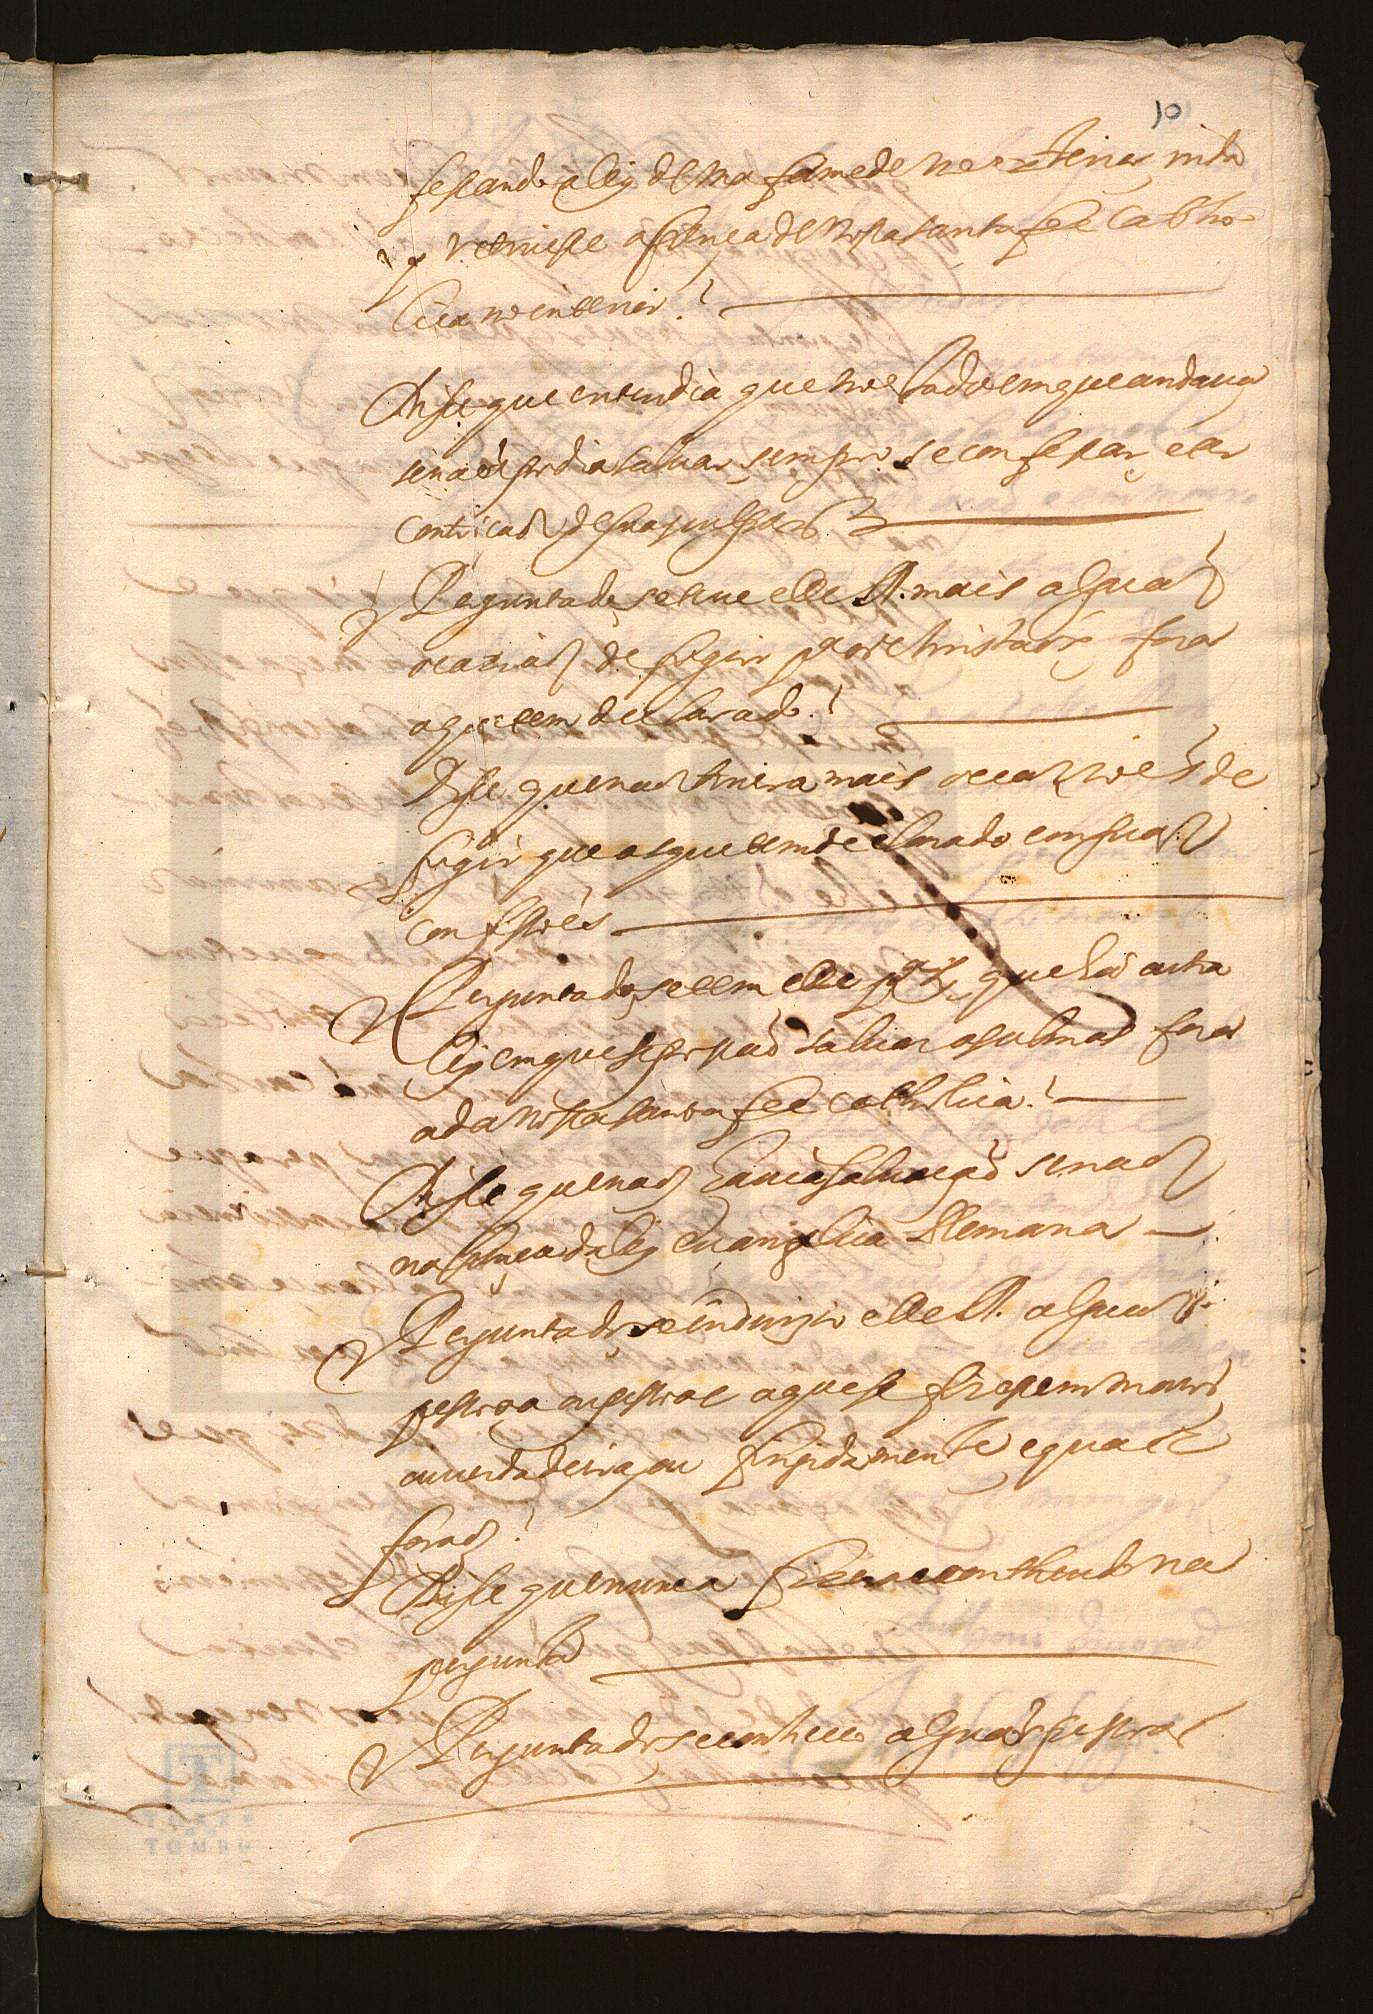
fessando a lej de mafamede no exterior, inda
q̄ retiuesse a Crença de nossa santa fee catho
lica no interior?
Disse que entendia que no estado em que andaua
se naõ podia saluar sem pr.o se confessar e ter
contriçaõ de suas culpas
item Perguntado se teue elle R. mais alguā
ocaziaõ de fugir pa os christaõs, fora
a que tem declarado?
Disse que naõ tiuera mais occazioẽs de
fugir que as que tem declarado em suas
confissoẽs
item Perguntado, se tem elle pa sy que ha outra
ley em que se possaõ saluar as almas fora
a da nossa santa fee catholica?
Disse que naõ hauia saluaçaõ senaõ
na Crença da ley euangelica Romana -
item Peguntado se induzio elle R. alguā
pessoaa ou pessoas a que se fizessem mouros
ou uerdadeira, ou fingidamente, e quaes
foraõ?
Disse que nunca fizera o contheudo na
pergunta
item Perguntado se conheceo alguās pessoas
